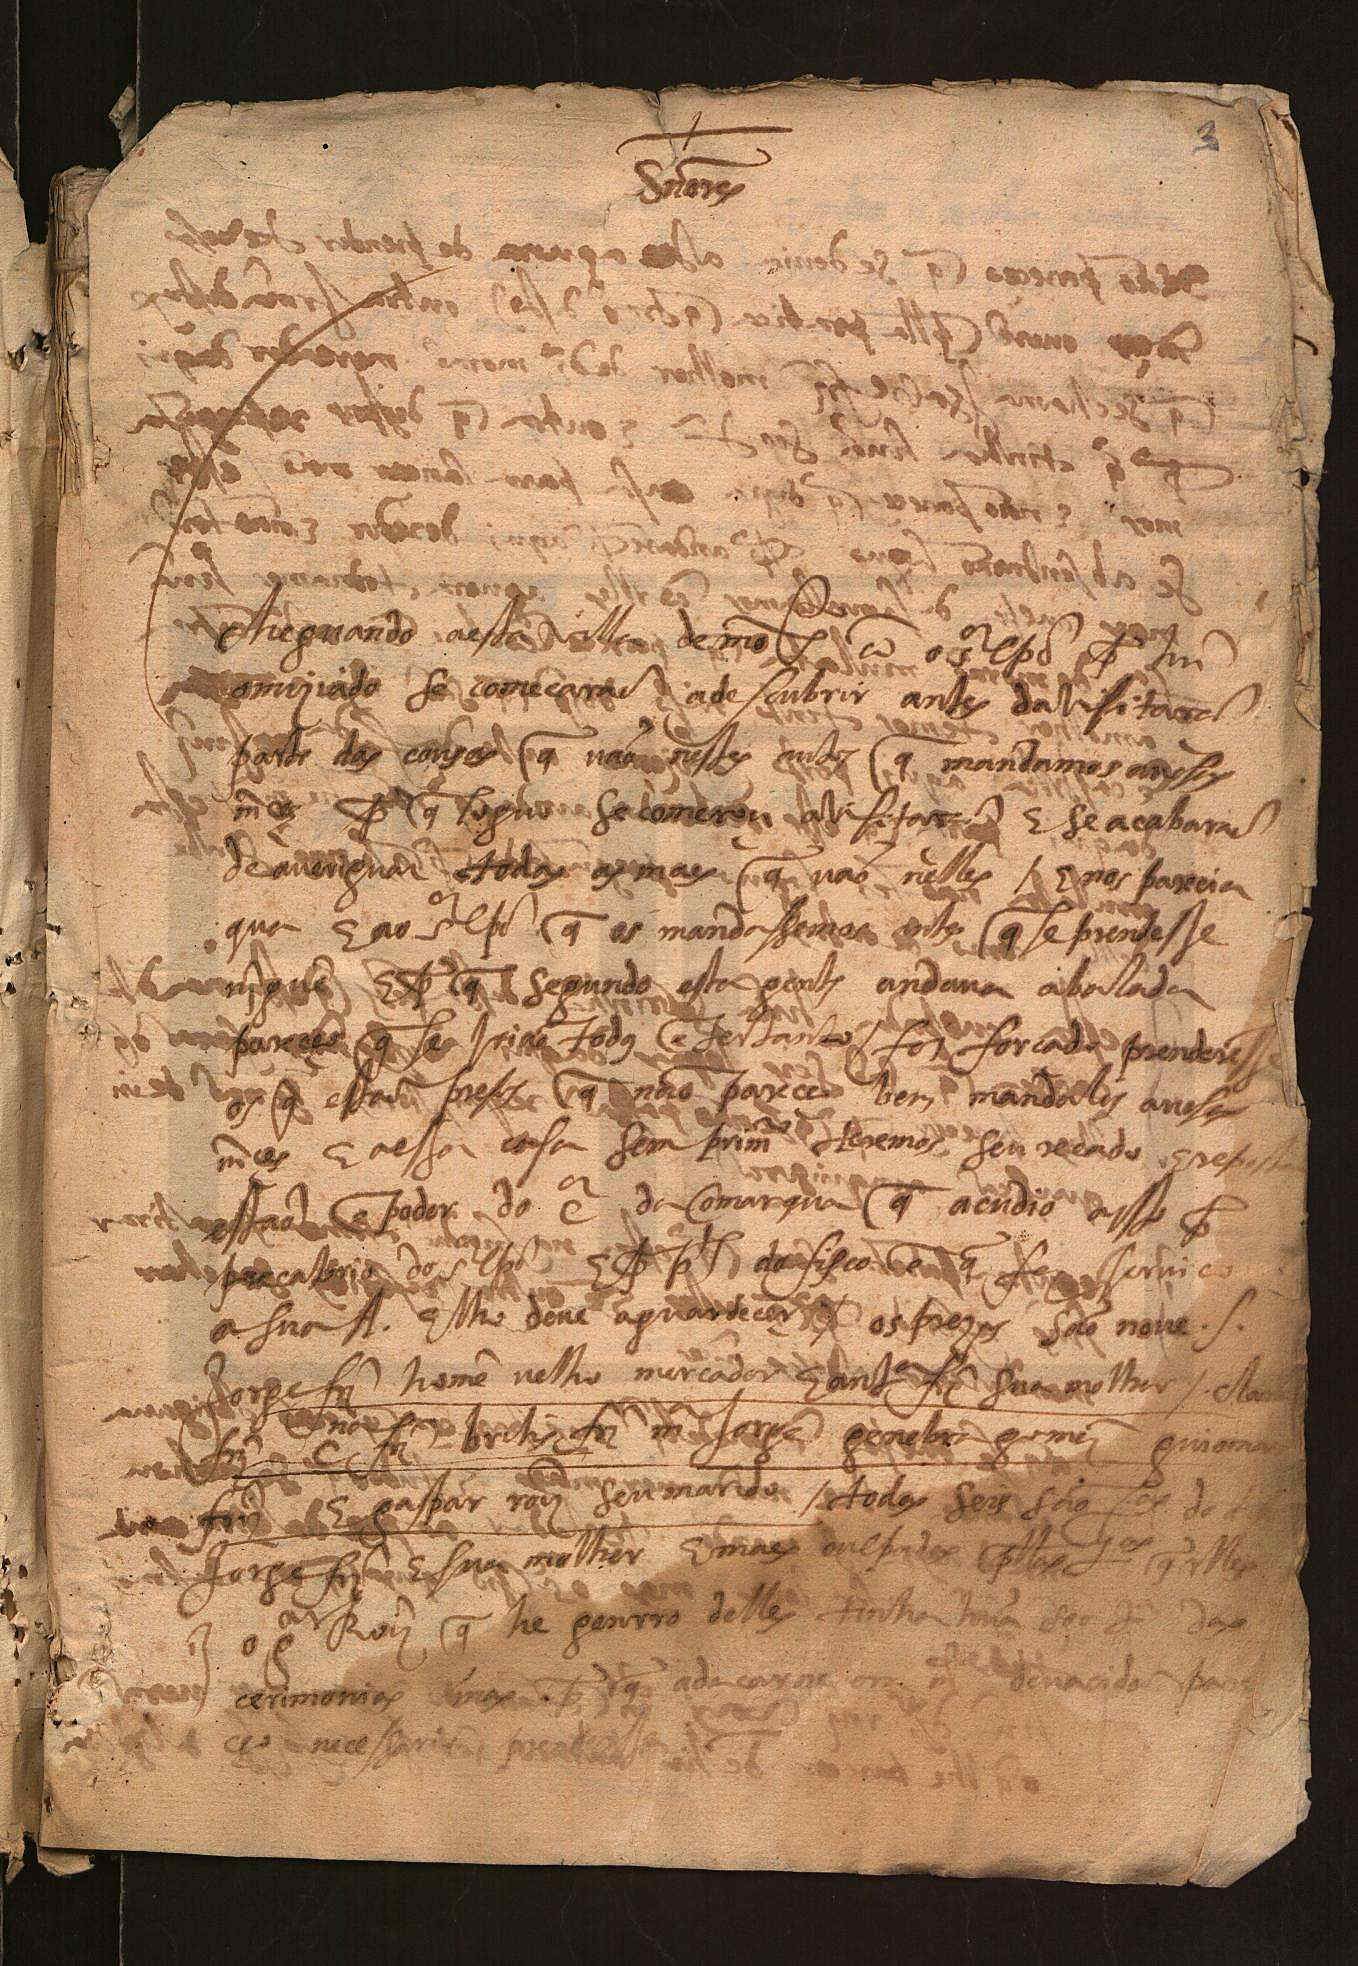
Snōres
cheguando a esta villa de mōsto cō o sor bpō p̄o hū
omiziado se comecaraõ a descubrir antes da Visitaçaõ
parte das cousas q̄ uaõ nestes autos q̄ mandamos a uosas
m̄ces p̄oq̄ loguo se comecou a visitaçaõ E se acabaraõ
de aueriguar todas as maes q̄ uaõ nelles / E nos parecia
qua E ao sor bpō q̄ os mandassemos antes q̄ se prendesse
nj̄guē E p̄oq̄ segundo esta gentꝭ andaua abalada
pareceo q̄ se Jriaõ todꝯ ētertanto / foj forçado prenderēsse
os q̄ estaõ presos q̄ naõ pareceo bem mandalos a uosas
m̄ces E a essa casa sem primro teremos seu recado E reposta
estaõ ē poder do cor da Comarqua q̄ acudio a jsto p̄
precatorio do sor bpō E p̄ p̄tꝭ do fisco ē q̄ fez seruiço
a sua A. E lho deue aguardecer / os prezos saõ noue .s.
Jorge frz̄ homē uelho mercador E anta frz̄ sua molher / clara
frz̄ Cna frz̄ britis frz̄ ma Jorge genebra gomez̄ guiomar
frz̄ E gaspar roiz̄ seu marido / todas seis saõ fas do dito
Jorge frz̄ E sua molher E maes culpadas p̄llas tas q̄ elles
item o gar Roiz̄ q̄ he genrro delles tinha huā soo ta das
cerimonias / mas p̄oq̄ a decarou em mta deuacidaõ pare
ceo necessario prendersse.
